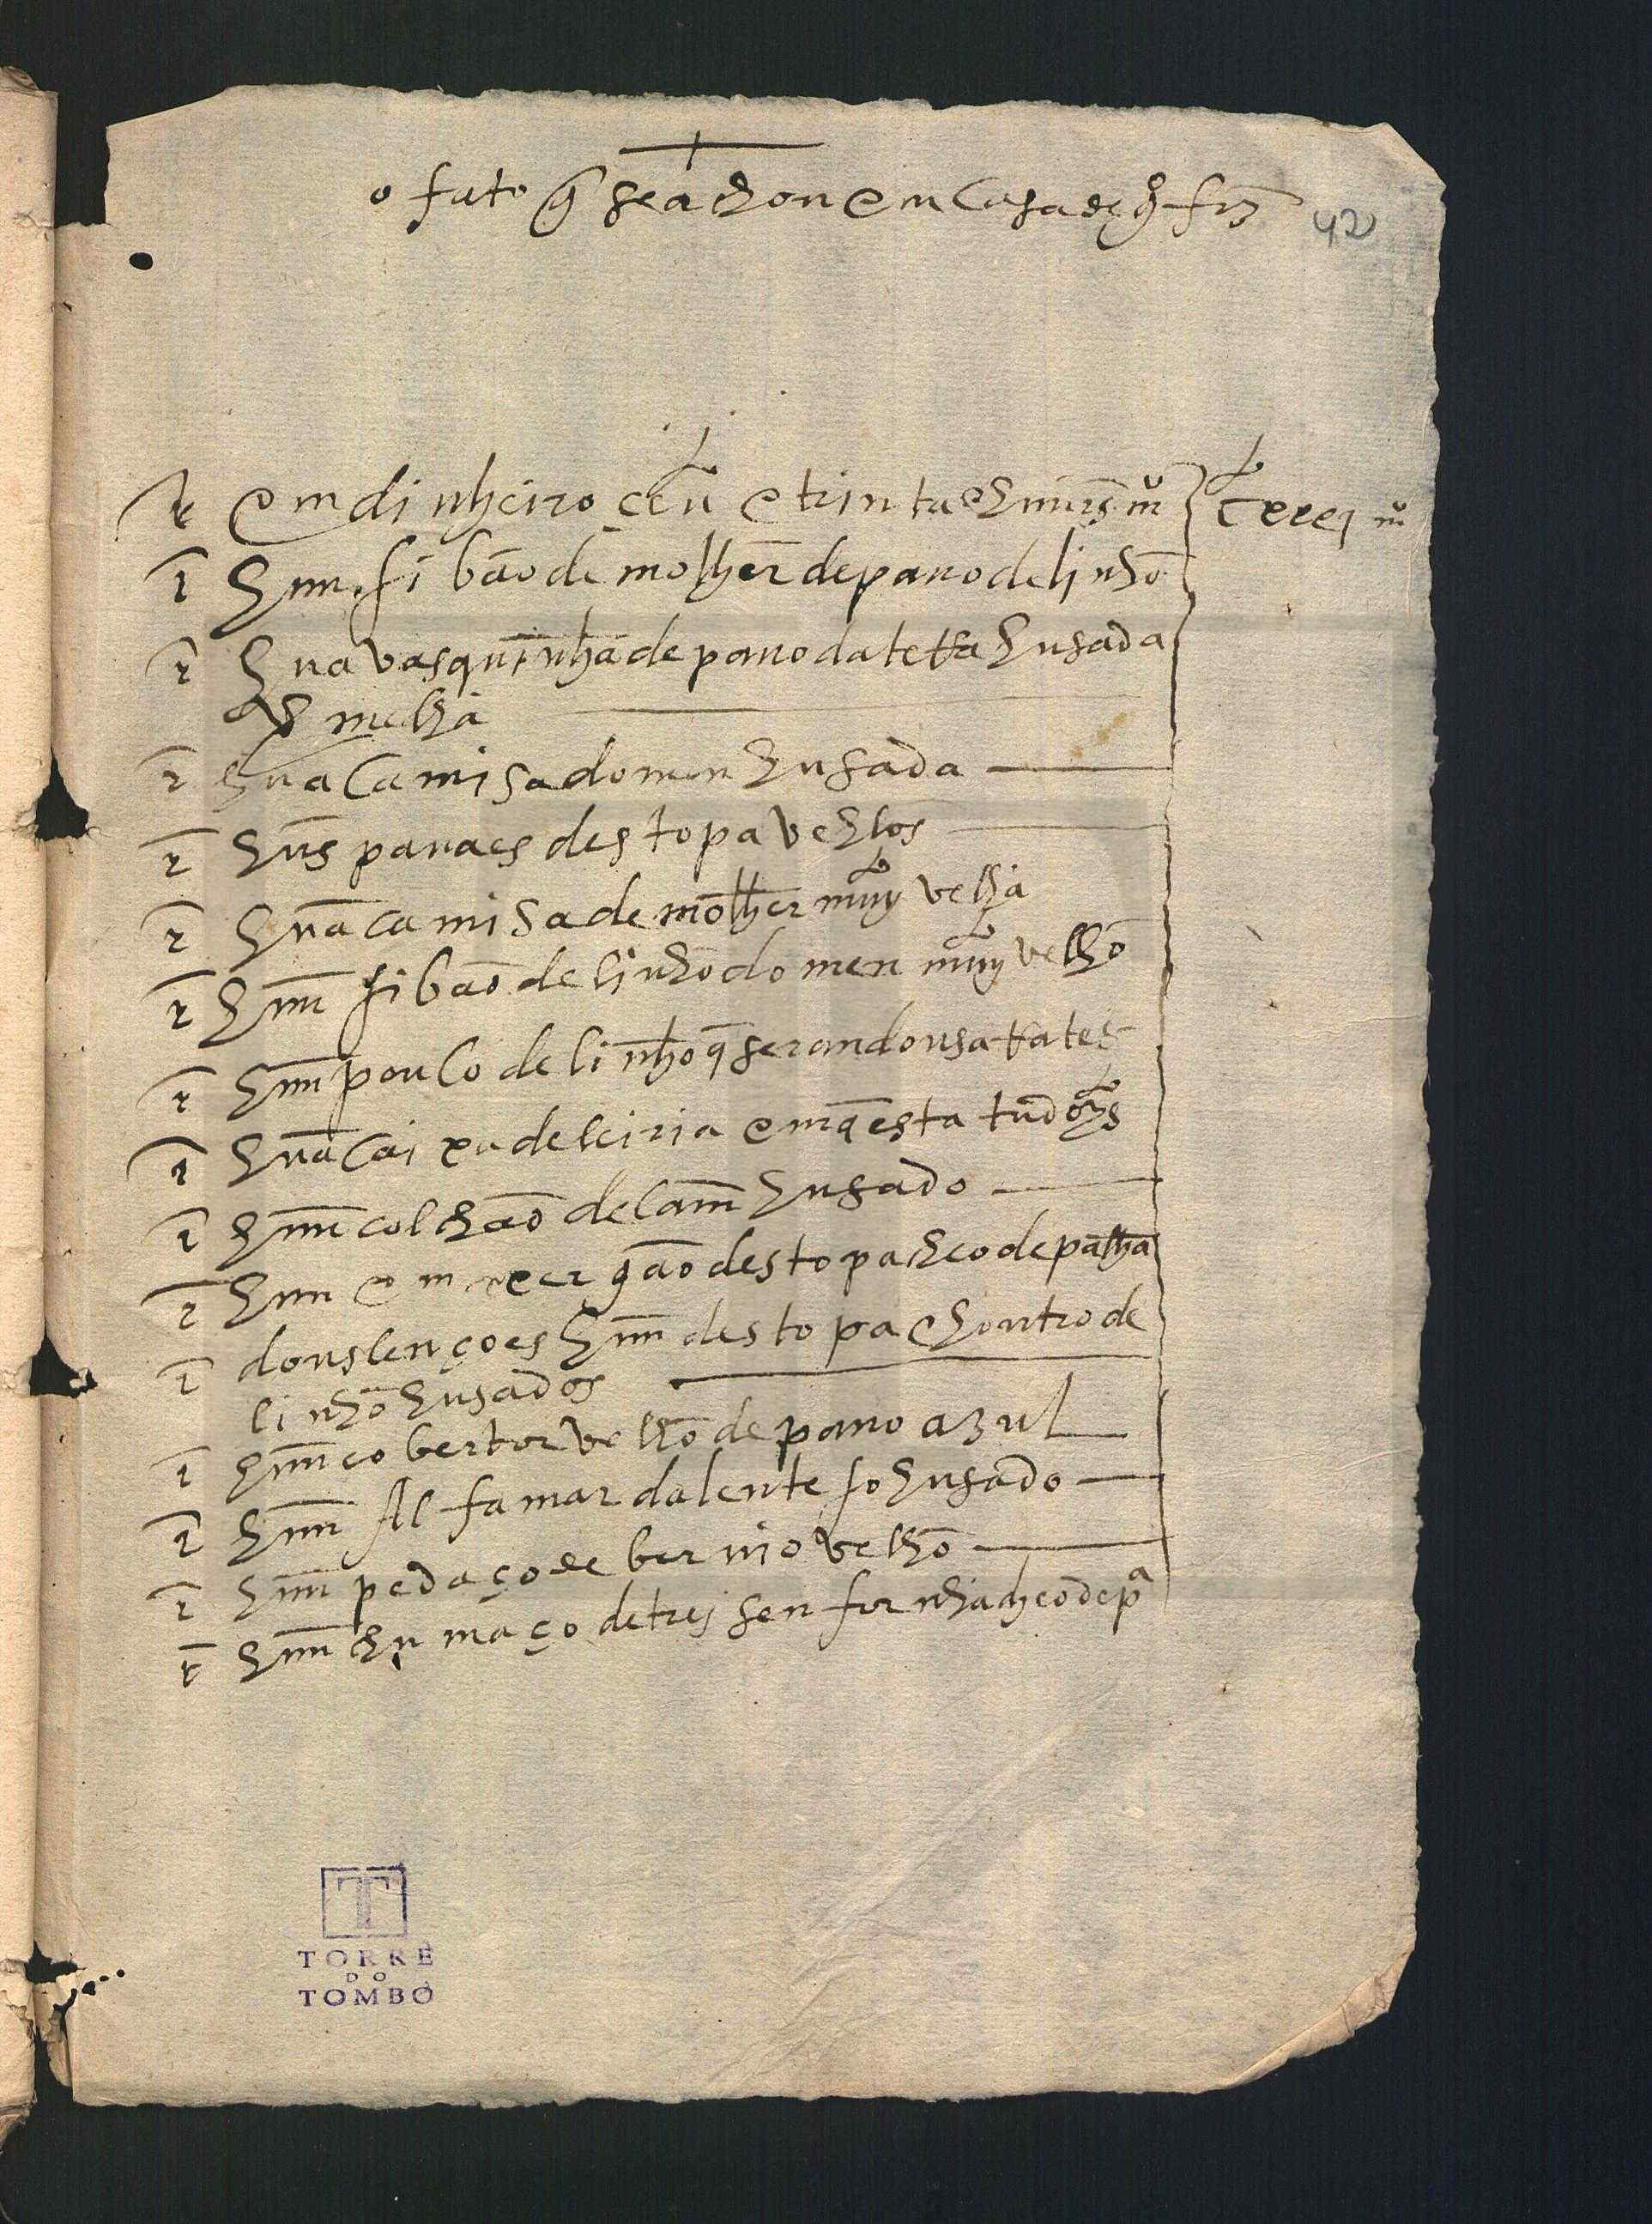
o fato q̄ se achou em casa de go frz̄
item em dinheiro cento e trinta e huū rs̄ mo
ctoxxxj mo
item huu Jibão de molher de pano de linho
item hua vasquinha de pano da teRa husada
ꝟmelha
item hua Camisa domen husada
item hūs panaes destopa velhos
item hūa camisa de molher muyto velha
item hūu Jibão de linho domen muyto velho
item hūu pouCo de linho q̄ seran dous aRates
item hūa Caixa de leiria em q̄ esta tudo ysto
item hūu colchão de lam husado
item huu emxergão destopa cheo de palha
item dous lençoes hūu destopa e houtro de
linho husados
item hūu cobertor velho de pano azul
item hūu Alfamar dalenteJo husado
item hūu pedaço de bernio velho
item hūu chumaço de tres sen fornha cheo de pa
